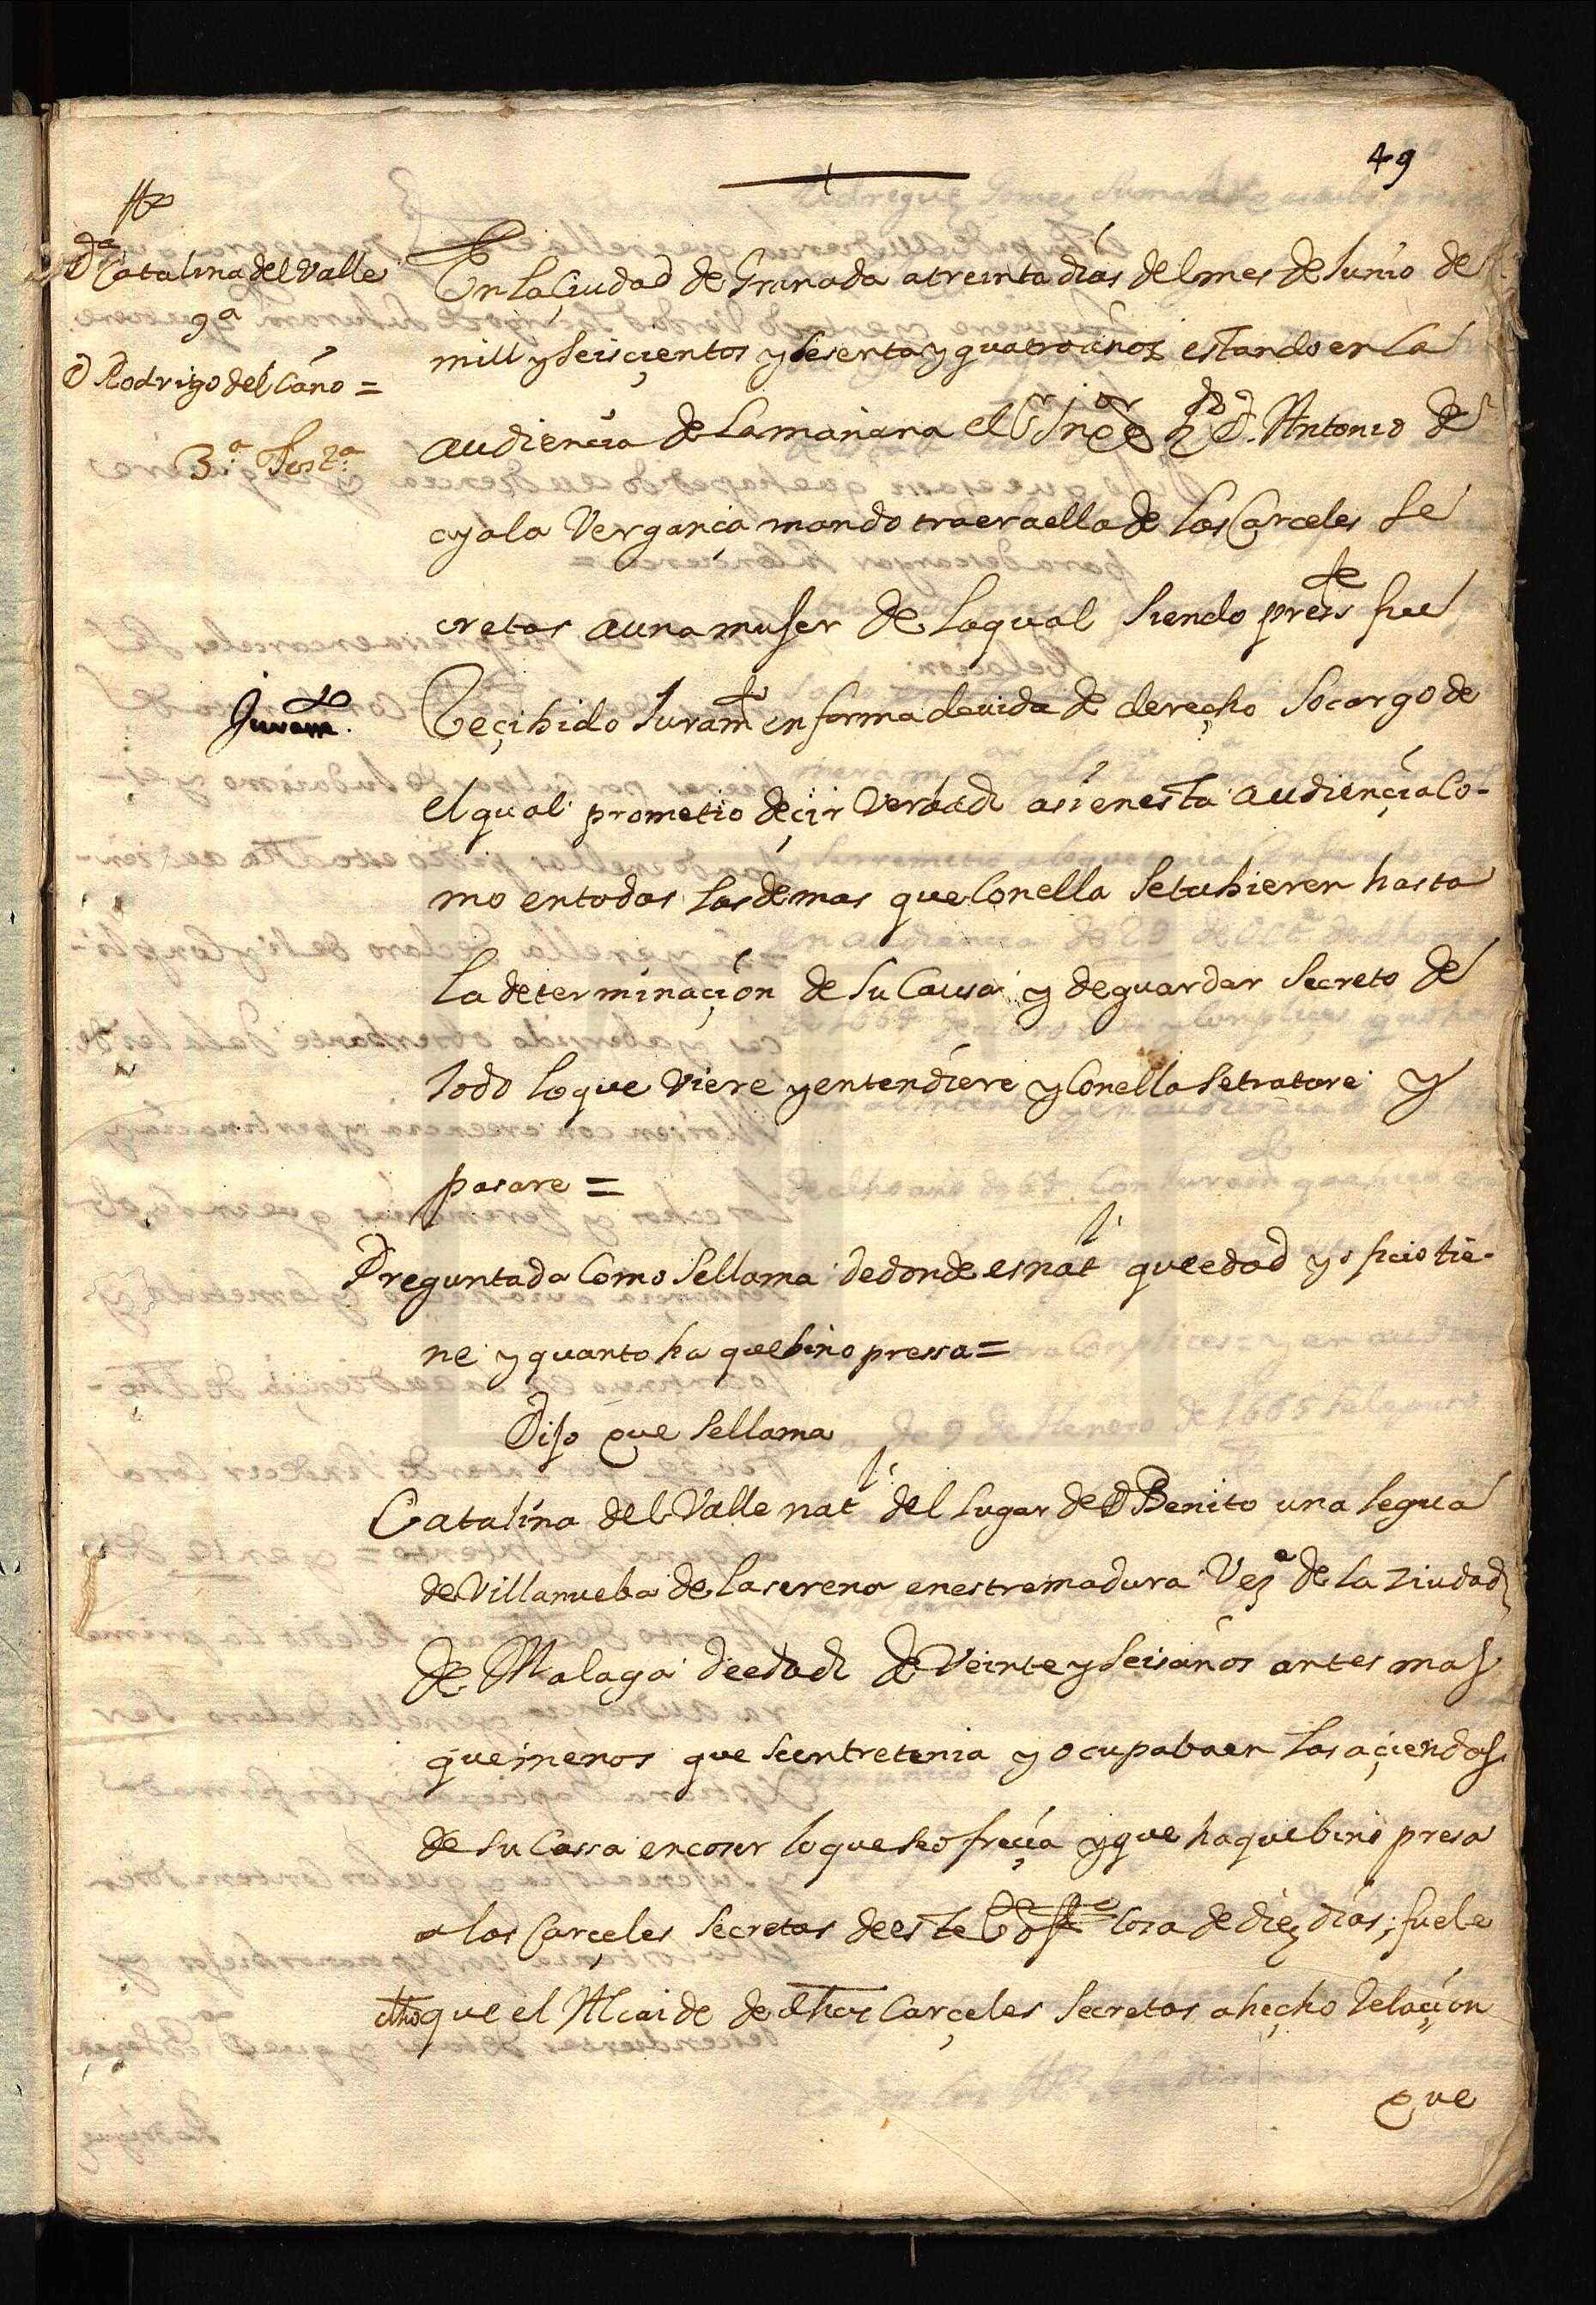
49
En la Ciudad de Granada a treinta dias del mes de Iunio de
Da Catalina del Valle
3a
mill e seiscientos y sesenta y quatro an̄os estando en la
E Rodrigo del Can̄o
audiencia de la man̄ana el sr Inqor Ldo D. Antonio de
3.a Test.a
ayala Vergança, mando traer a ella de las Carceles se
cretas a una muJer de La qual siendo preste fue
Recibido Iuramto en forma deuida de derecho so cargo de
Juramto
el qual prometio decir verdad asi en esta audiencia co
mo en todas las demas que con ella se tubieren hasta
la determinacion de su Causa y de guardar secreto de
todo o que viere y entendiere y con ella se tratare y
pasare
Preguntada Como se llama de donde es natl que edad y oficio tie
ne y quanto ha que bino pressa
Dijo que se llama
Catalina del Valle natl del Lugar de S. Benito una legua
de Villa nueba de la serena en estremadura Veza de la ziudad
de Malaca de edad de veinte y seis an̄os antes mas
que menos que se entretenia y ocupaba en las aciendas
de su cassa encoser o que se ofrecia y que ha que bino presa
a las Carceles secretas de este sto offo cosa de diez dias, fuele
dh̄o que el Alcaide de dh̄os Carceles Secretos a hecho Relacion
que
